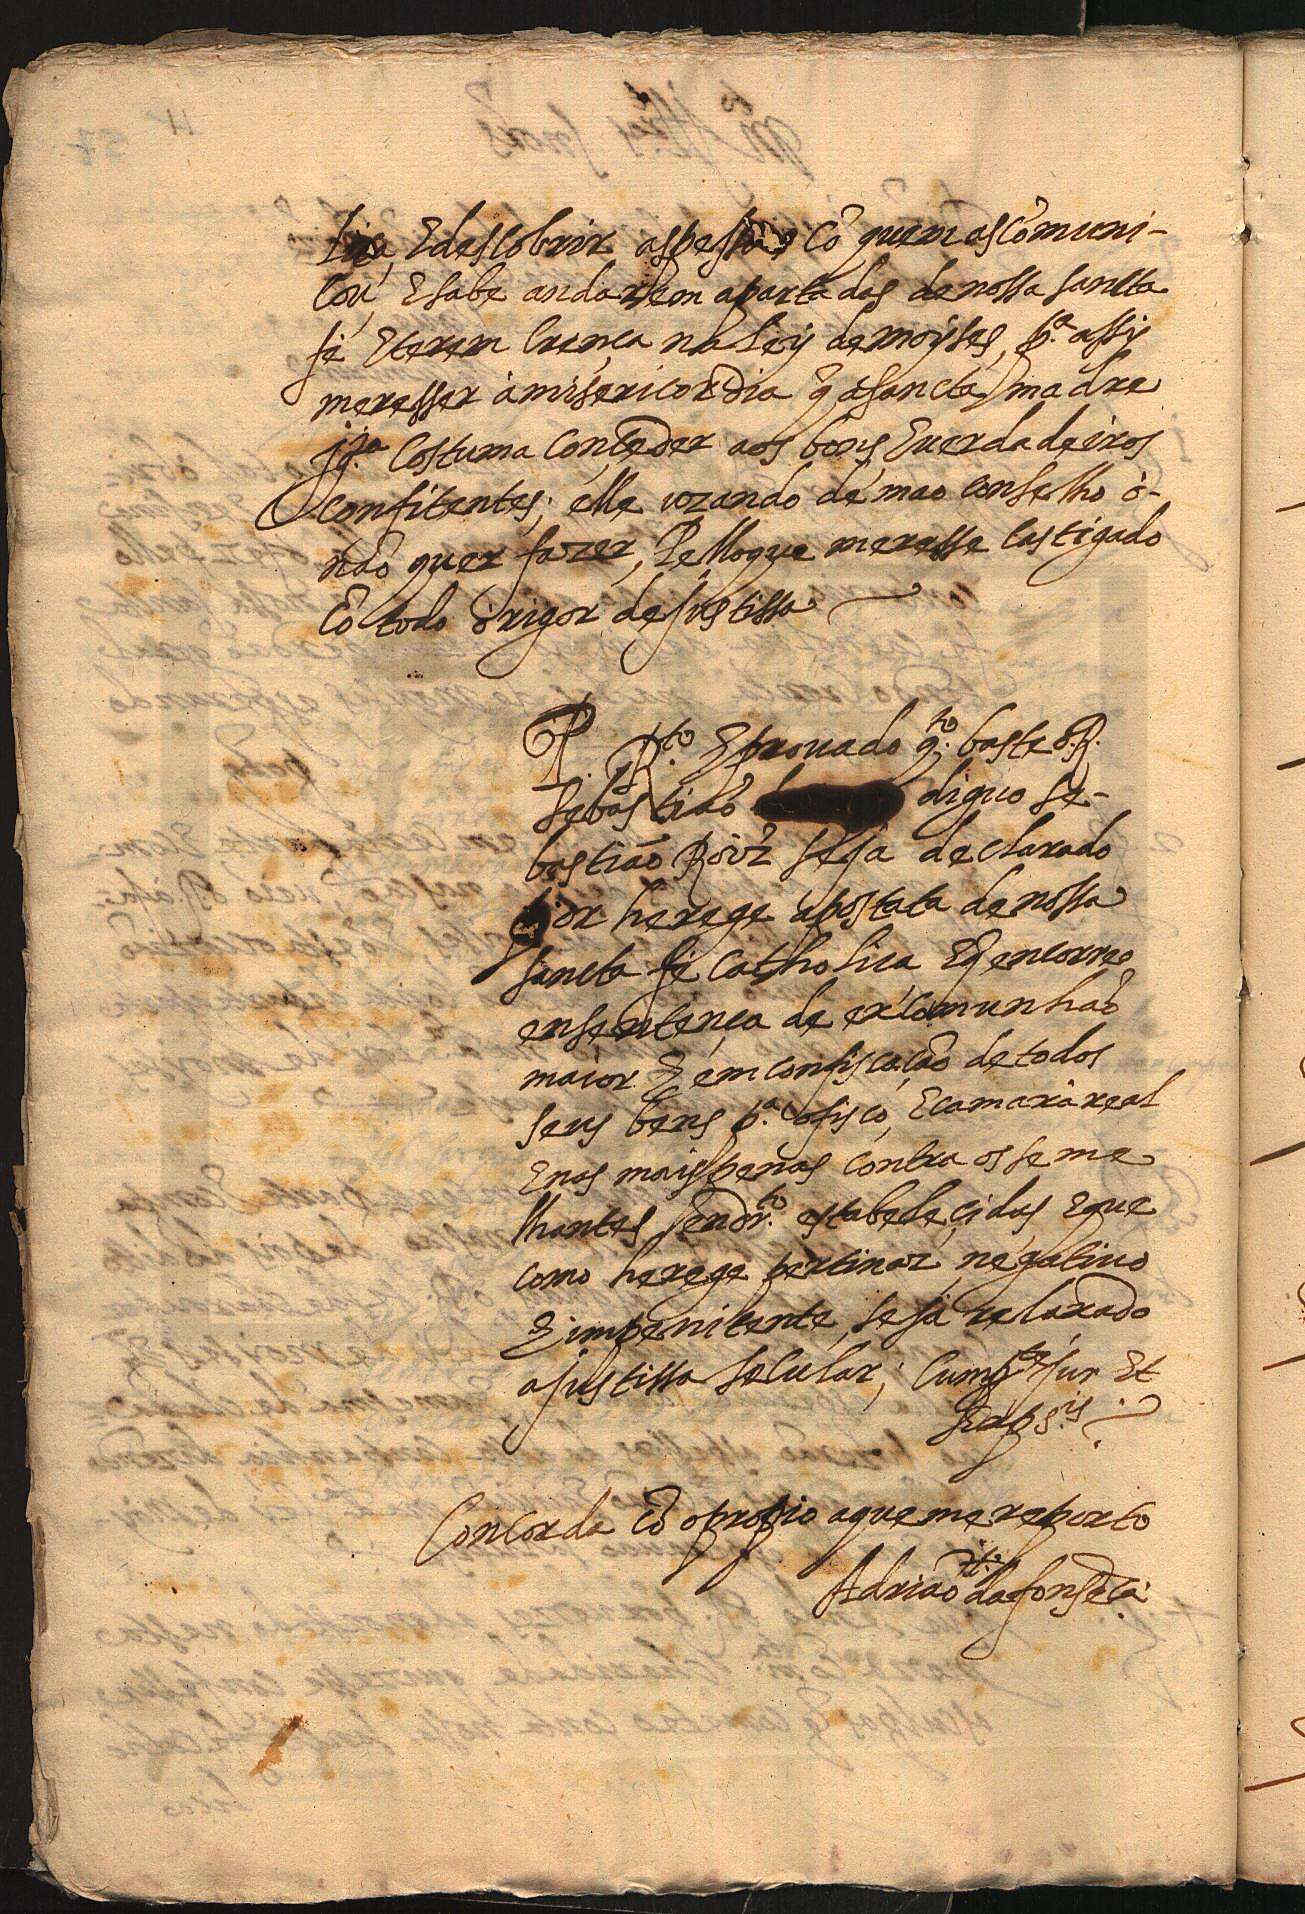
Lica, E descobrir as passoas cō quem as cōmuni
cou, E sabe andarem apartadas de nossa sancta
fé E terem crença na Ley de moyses, p.a assy
meresser a misericordia q̄ a sancta madre
jg.ia costuma conçeder aos bons E uerdadeiros
confitentes; elle uzando da mao conselho o
naõ quer fazer, Pello que meresse castigado
cō todo o rigor de justissa
P. R.to E prouado q.to baste o .R.
sebastiaõ _ diguo se
bastiaõ Roiz̄ seja declarado
por herege apostata de nossa
sancta fé catholica, E q̄ encorreo
en sentença de excomunhaõ
maior E em confiscação de todos
seus bens p.a o fisco, E camara real
E nas mais penas contra os seme
lhantes en dr.to estabeleçidas E que
como herege pertinaz negatiuo
E impenitente, seja relaxado
a justissa secular; cum ꝓte jur Et
Exps.is
Concorda cō o propio a que me reporto
